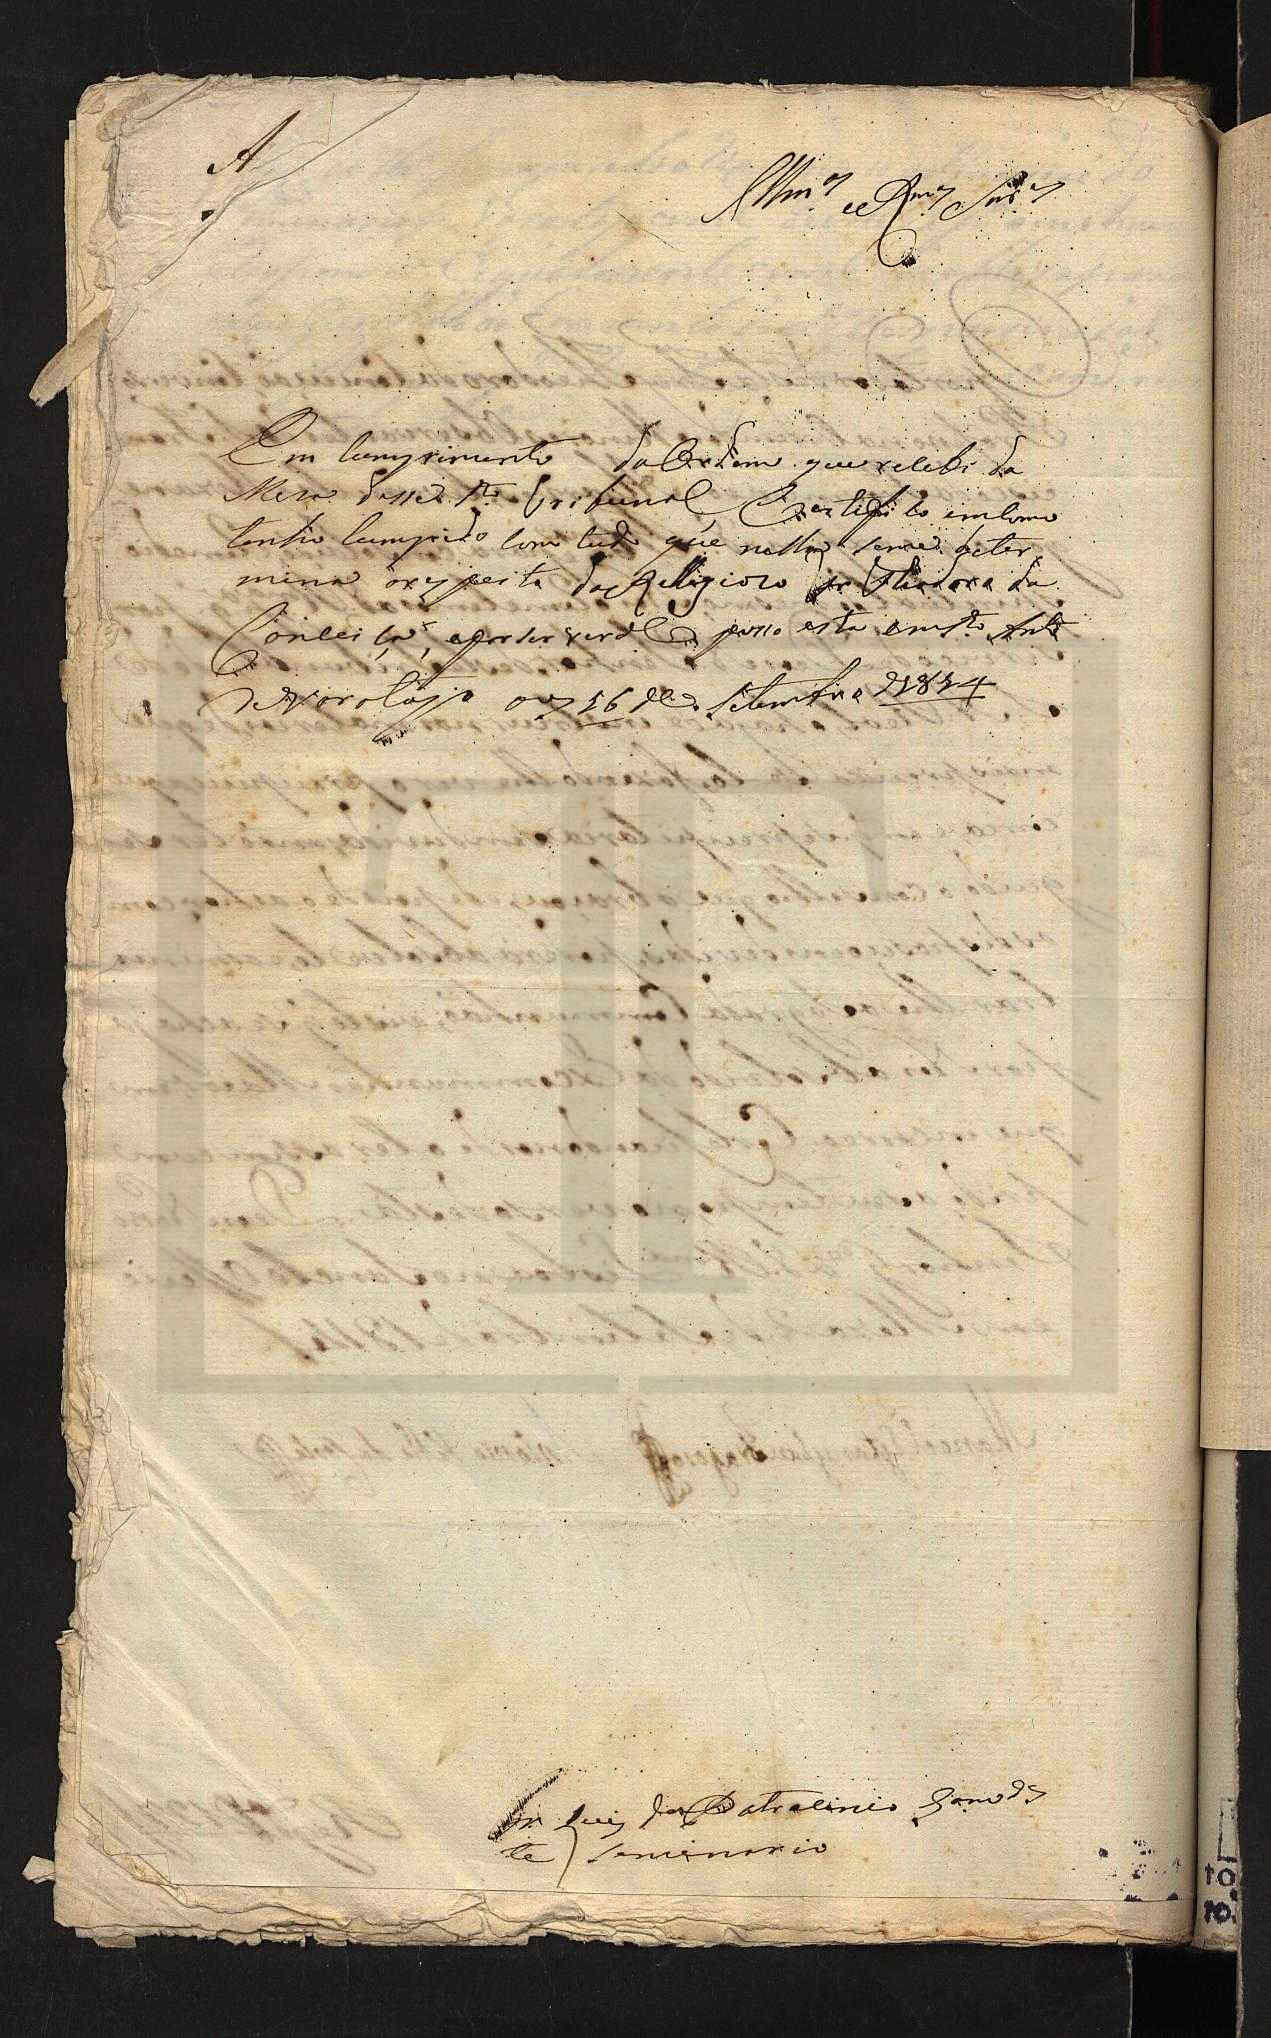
A
Illm.os e Rm.os S.res
Em Cumprimento da Ordem que recebi da
Meza desse s.to tribunal Certifico em como
tenho Cumprido com tudo que nella se me deter
mina a respeito do Religiozo Fr Theodoro da
Conceiçaõ, e por ser verde passo esta em s.to Ant
de Varatojo aos 16 de setembro d̄ 1814
Fr. Luis do Patrocinio Gam des
te seminario
